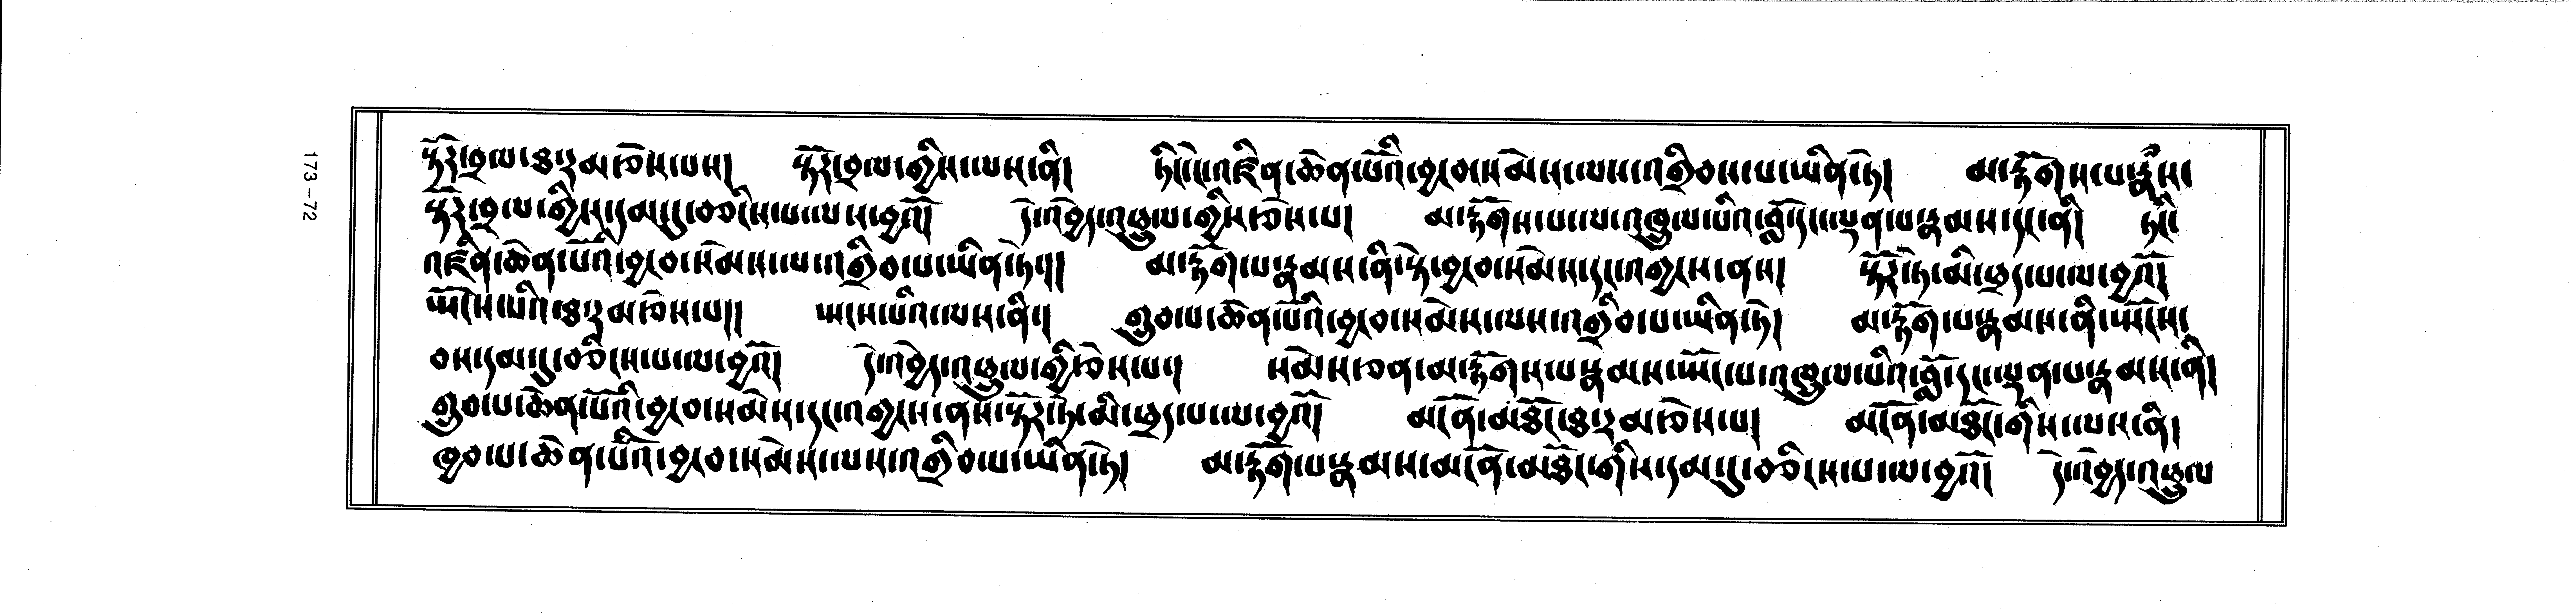སྟོར་བྲལ་ཐ་རམ་ཅེས་པས། སྟོར་བྲལ་གྱི་ལས་ནི། ཏིང་ངེ་འཛིན་ཆེན་པོའི་བྱང་ཆུབ་སེམས་ལས་འགྲིབ་པ་ཡིན་ཏེ། མ་རྟོགས་པ་རྣམས་
སྟོར་བྲལ་གྱིས་དམ་དུ་བཅིངས་པ་ལ་བྱའོ། དེ་འབྱེད་འཕྲུལ་གྱིས་ཅེས་པ། མ་རྟོགས་པ་རྣམས་འཁྲུལ་པའི་བློ་དང་ལྡན་པ་རྣམས་ནི། ཏིང་
འཛིན་ཆེན་པོའི་བྱང་ཆུབ་སེམས་ལ་འགྲིབ་པ་ཡིན་ཏེ། མ་རྟོགས་པ་རྣམས་ནི་སྟེ་བྱང་ཆུབ་སེམས་དང་འགྱངས་ནས་སྟོར་ཏེ་མི་འཕྲད་པ་ལ་བྱའོ། །
སྤོངས་པའི་ཐ་རམ་ཅེས་པ། སྤངས་པའི་ལས་ནི། གྲུབ་པ་ཆེན་པོའི་བྱང་ཆུབ་སེམས་ལས་འགྲིབ་པ་ཡིན་ཏེ། མ་རྟོགས་པ་རྣམས་ནི་སྤངས་
པས་དམ་དུ་བཅིངས་པ་ལ་བྱའོ། དེ་འབྱེད་འཕྲུལ་གྱི་ཅེས་པ། སེམས་ཅན་མ་རྟོགས་པ་རྣམས་སྤོང་བ་འཁྲུལ་པའི་བློ་དང་ལྡན་པ་རྣམས་ནི། 
གྲུབ་པ་ཆེན་པོའི་བྱང་ཆུབ་སེམས་དང་འགྱངས་ནས་སྟོར་ཏེ་མི་འཕྲད་པ་ལ་བྱའོ། །མངོན་མཐོང་ཐ་རམ་ཅེས་པ། མངོན་མཐོང་གི་ལས་ནི། 
ཁྱབ་པ་ཆེན་པོིའི་བྱང་ཆུབ་སེམས་ལས་འགྲིབ་པ་ཡིན་ཏེ། མ་རྟོགས་པ་རྣམས་མངོན་མཐོང་གིས་དམ་དུ་བཅིངས་པ་ལ་བྱའོ། །དེ་འབྱེད་འཕྲུལ་